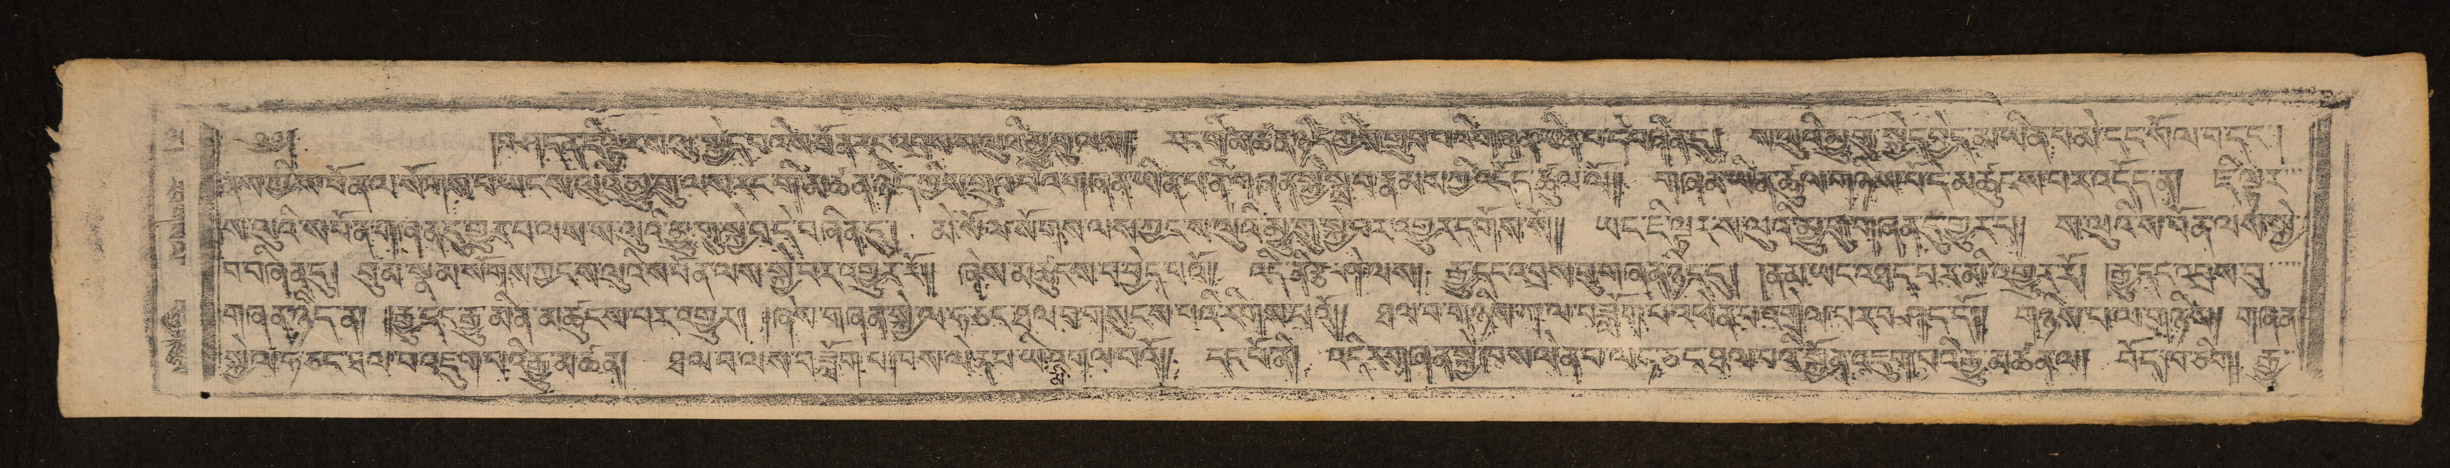༄༅། །བཤད་ན་ཇི་ལྟར་ས་ལུ་སྐྱེད་པའི་ས་བོན་རང་འབྲས་ས་ལུའི་མྱུ་གུ་ལས། རང་གི་མཚན་ཉིད་ཀྱིས་གྲུབ་པའི་གཞན་ཡིན་པ་དེ་བཞིན་དུ། ས་ལུའི་མྱུ་གུ་སྐྱེད་བྱེད་མ་ཡིན་པ་མེ་དང་སོལ་བ་དང་།
ནས་ཀྱི་ས་བོན་ལ་སོགས་པ་ཡང་ས་ལུའི་མྱུ་གུ་ལས་རང་གི་མཚན་ཉིད་ཀྱིས་གྲུབ་པའི་གཞན་ཡིན་པ་ནི་གཞན་སྐྱེ་སྨྲ་བ་རྣམས་ཀྱི་འདོད་ཚུལ་ལོ།། གཞན་ཡིན་ཚུལ་གཉིས་པོ་དེ་མཚུངས་པར་འདོད་ན། ཇི་ལྟར་
ས་ལུའི་ས་བོན་གཞན་དུ་གྱུར་པ་ལས་ས་ལུའི་མྱུ་གུ་སྐྱེ་བ་དེ་བཞིན་དུ། མེ་སོལ་སོགས་ལས་ཀྱང་ས་ལུའི་མྱུ་གུ་སྐྱེ་བར་འགྱུར་དགོས་སོ།། ཡང་ཇི་ལྟར་ས་ལུའི་མྱུ་གུ་གཞན་དུ་གྱུར་པ། ས་ལུའི་ས་བོན་ལས་སྐྱེ་
བ་བཞིན་དུ། བུམ་སྣམ་སོགས་ཀྱང་ས་ལུའི་ས་བོན་ལས་སྐྱེ་བར་འགྱུར་རོ།། ཞེས་མཚུངས་པ་བྱེད་པའོ།། འདི་ནི་རྩ་ཤེ་ལས། རྒྱུ་དང་འབྲས་བུ་གཞན་ཉིད་དུ། །ནམ་ཡང་འཐད་པར་མི་འགྱུར་རོ། །རྒྱུ་དང་འབྲས་བུ་
གཞན་ཉིད་ན། །རྒྱུ་དང་རྒྱུ་མིན་མཚུངས་པར་འགྱུར། །ཞེས་གཞན་སྐྱེ་ལ་ཧ་ཅང་ཐལ་བ་གསུངས་པའི་རིགས་པའོ།། ཐལ་བ་གཉིས་ཀ་ལ་བཟློག་པ་འཕེན་པ་འགྲེལ་པར་བཤད་དོ།། གཉིས་པ་ལ་གཉིས། གཞན་
སྐྱེ་ལ་ཧ་ཅང་ཐལ་བ་འཇུག་པའི་རྒྱུ་མཚན། ཐལ་བ་ལས་བཟློག་པ་ཁས་ལེན་པ་མི་འགལ་བའོ།། དང་པོ་ནི། འདིར་གཞན་སྐྱེ་ཁས་ལེན་པ་ལ་ཧ་ཅང་ཐལ་བའི་སྐྱོན་འཇུག་པའི་རྒྱུ་མཚན་ལ། བོད་ཁ་ཅིག། རྒྱུ་